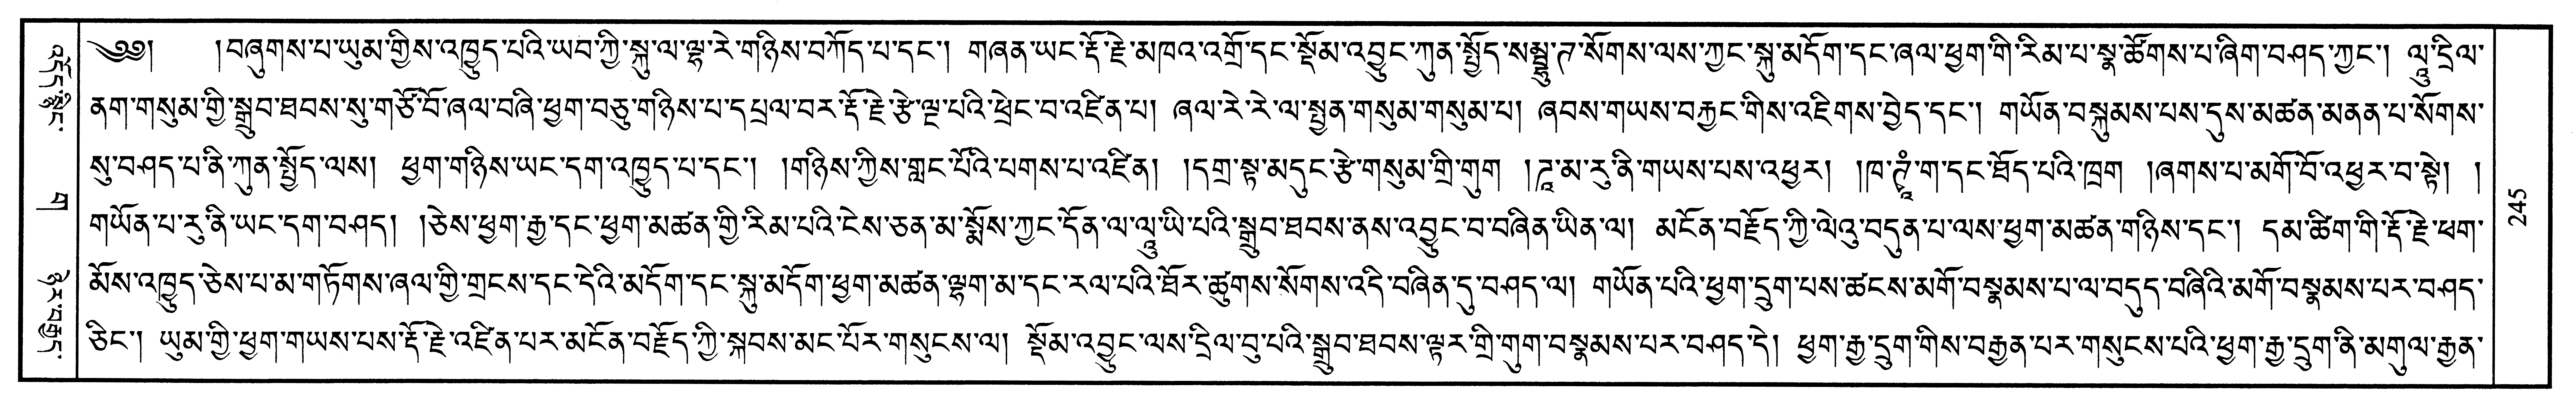༄༅། །བཞུགས་པ་ཡུམ་གྱིས་འཁྱུད་པའི་ཡབ་ཀྱི་སྐུ་ལ་ལྷ་རེ་གཉིས་བཀོད་པ་དང་། གཞན་ཡང་རྡོ་རྗེ་མཁའ་འགྲོ་དང་སྡོམ་འབྱུང་ཀུན་སྤྱོད་སམྦྷུ་ཊ་སོགས་ལས་ཀྱང་སྐུ་མདོག་དང་ཞལ་ཕྱག་གི་རིམ་པ་སྣ་ཚོགས་པ་ཞིག་བཤད་ཀྱང་། ལཱུ་དྲིལ་
ནག་གསུམ་གྱི་སྒྲུབ་ཐབས་སུ་གཙོ་བོ་ཞལ་བཞི་ཕྱག་བཅུ་གཉིས་པ་དཔྲལ་བར་རྡོ་རྗེ་རྩེ་ལྔ་པའི་ཕྲེང་བ་འཛིན་པ། ཞལ་རེ་རེ་ལ་སྤྱན་གསུམ་གསུམ་པ། ཞབས་གཡས་བརྐྱང་གིས་འཇིགས་བྱེད་དང་། གཡོན་བསྐུམས་པས་དུས་མཚན་མནན་པ་སོགས་
སུ་བཤད་པ་ནི་ཀུན་སྤྱོད་ལས། ཕྱག་གཉིས་ཡང་དག་འཁྱུད་པ་དང་། །གཉིས་ཀྱིས་གླང་པོའི་པགས་པ་འཛིན། །དགྲ་སྟ་མདུང་རྩེ་གསུམ་གྲི་གུག །ཌཱ་མ་རུ་ནི་གཡས་པས་འཕྱར། །ཁ་ཊྭཱཾ་ག་དང་ཐོད་པའི་ཁྲག །ཞགས་པ་མགོ་བོ་འཕྱར་བ་སྟེ། །
གཡོན་པ་རུ་ནི་ཡང་དག་བཤད། །ཅེས་ཕྱག་རྒྱ་དང་ཕྱག་མཚན་གྱི་རིམ་པའི་ངེས་ཅན་མ་སྨོས་ཀྱང་དོན་ལ་ལཱུ་ཡི་པའི་སྒྲུབ་ཐབས་ནས་འབྱུང་བ་བཞིན་ཡིན་ལ། མངོན་བརྗོད་ཀྱི་ལེའུ་བདུན་པ་ལས་ཕྱག་མཚན་གཉིས་དང་། དམ་ཚིག་གི་རྡོ་རྗེ་ཕག་
མོས་འཁྱུད་ཅེས་པ་མ་གཏོགས་ཞལ་གྱི་གྲངས་དང་དེའི་མདོག་དང་སྐུ་མདོག་ཕྱག་མཚན་ལྷག་མ་དང་རལ་པའི་ཐོར་ཚུགས་སོགས་འདི་བཞིན་དུ་བཤད་ལ། གཡོན་པའི་ཕྱག་དྲུག་པས་ཚངས་མགོ་བསྣམས་པ་ལ་བདུད་བཞིའི་མགོ་བསྣམས་པར་བཤད་
ཅིང་། ཡུམ་གྱི་ཕྱག་གཡས་པས་རྡོ་རྗེ་འཛིན་པར་མངོན་བརྗོད་ཀྱི་སྐབས་མང་པོར་གསུངས་ལ། སྡོམ་འབྱུང་ལས་དྲིལ་བུ་པའི་སྒྲུབ་ཐབས་ལྟར་གྲི་གུག་བསྣམས་པར་བཤད་དེ། ཕྱག་རྒྱ་དྲུག་གིས་བརྒྱན་པར་གསུངས་པའི་ཕྱག་རྒྱ་དྲུག་ནི་མགུལ་རྒྱན་